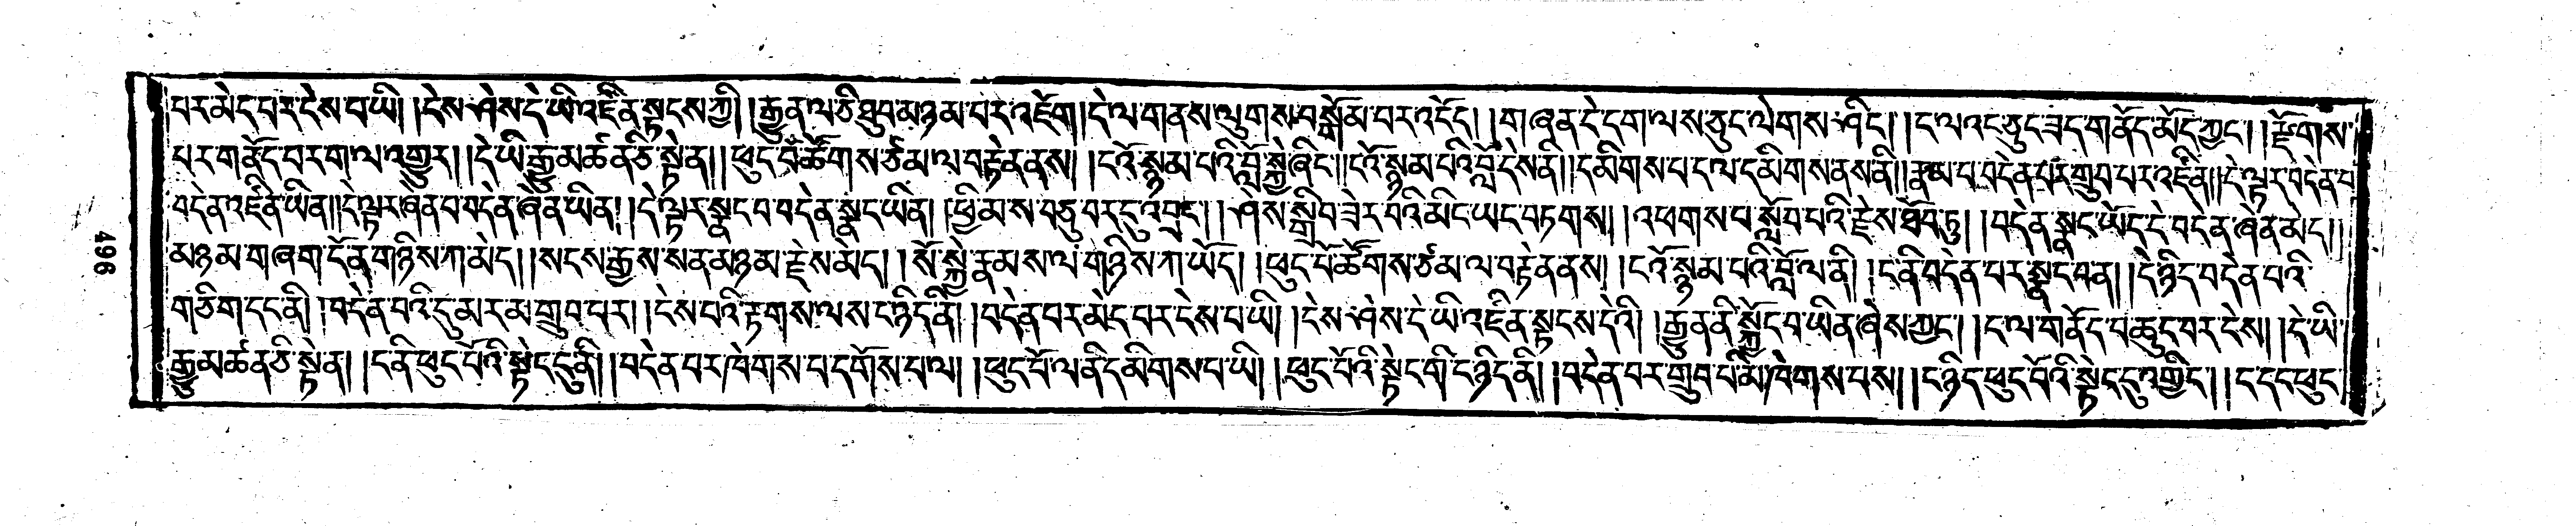བར་མེད་པར་ངེས་པ་ཡི། །ངེས་ཤེས་དེ་ཡི་འཛིན་སྟངས་ཀྱི། །རྒྱུན་ལ་ཅི་ཐུབ་མཉམ་པར་འཇོག །དེ་ལ་གནས་ལུགས་བསྒོམ་པར་འདོད། །གཞན་དེ་དག་ལས་ཅིང་ལེགས་ཤིང་། །ང་ལའང་ཅུང་ཟད་གནོད་མོད་ཀྱང་། །རྫོགས་
པར་གནོད་པར་ག་ལ་འགྱུར། །དེ་ཡི་རྒྱུ་མཚན་ཅི་སྟེ་ན། །ཕུང་པོ་ཚོགས་ཙམ་ལ་བརྟེན་ནས། །ངའོ་སྙམ་པའི་བློ་སྐྱེ་ཞིང་། །ངའོ་སྙམ་པའི་བློ་དེས་ནི། །དམིགས་པ་ང་ལ་དམིགས་ནས་ནི། །རྣམ་པ་བདེན་པར་གྲུབ་པར་འཛིན། །དེ་ལྟར་བདེན་པ་
བདེན་འཛིན་ཡིན། །དེ་ལྟར་ཞེན་པ་བདེན་ཞེན་ཡིན། །དེ་ལྟར་སྣང་བ་བདེན་སྣང་ཡིན། །ཕྱིར་མ་ལ་བཅུ་བར་དུ་འབྲང་། །ཤེས་སྒྲིབ་ཟེར་བའི་མིང་ཡང་བཏགས། །འཕགས་པ་སློབ་པའི་རྗེས་ཐོབ་ཏུ། །བདེན་སྣང་ཡོད་དེ་བདེན་ཞེན་མེད། །
མཉམ་གཞག་ངོ་ན་གཉིས་ཀ་མེད། །སངས་རྒྱས་ས་ན་མཉམ་རྗེས་མེད། །སོ་སྐྱེ་རྣམས་ལ་གཉིས་ཀ་ཡོད། །ཕུང་པོ་ཚོགས་ཙམ་ལ་བརྟེན་ནས། །ངའོ་སྙམ་པའི་བློ་ལ་ནི། །ང་ནི་བདེན་པར་སྣང་བ་ན། །དེ་ཉིད་བདེན་པའི་
གཅིག་དང་ནི། །བདེན་པའི་དུ་མར་མ་གྲུབ་པར། །ངེས་པའི་རྟགས་ལས་ང་ཉིད་ནི། །བདེན་པར་མེད་པར་ངེས་པ་ཡི། །ངེས་ཤེས་དེ་ཡི་འཛིན་སྟངས་དེའི། །རྒྱུན་ནི་སྐྱོང་བ་ཡིན་ཞེས་ཀྱང་། །ང་ལ་གནོད་པ་ཆུང་བར་ངེས། །དེ་ཡི་
རྒྱུ་མཚན་ཅི་སྟེ་ན། །ང་ནི་ཕུང་པོའི་སྟེང་དུ་ནི། །བདེན་པར་ཁེགས་པ་དགོས་པ་ལ། །ཕུང་པོ་ལ་ནི་དམིགས་པ་ཡི། །ཕུང་པོའི་སྟེང་གི་ང་ཉིད་ནི། །བདེན་པར་གྲུབ་པ་མ་ཁེགས་པ། །ང་ཉིད་ཕུང་པོའི་སྟེང་དུ་འགྱིང་། །ང་དང་ཕུང་